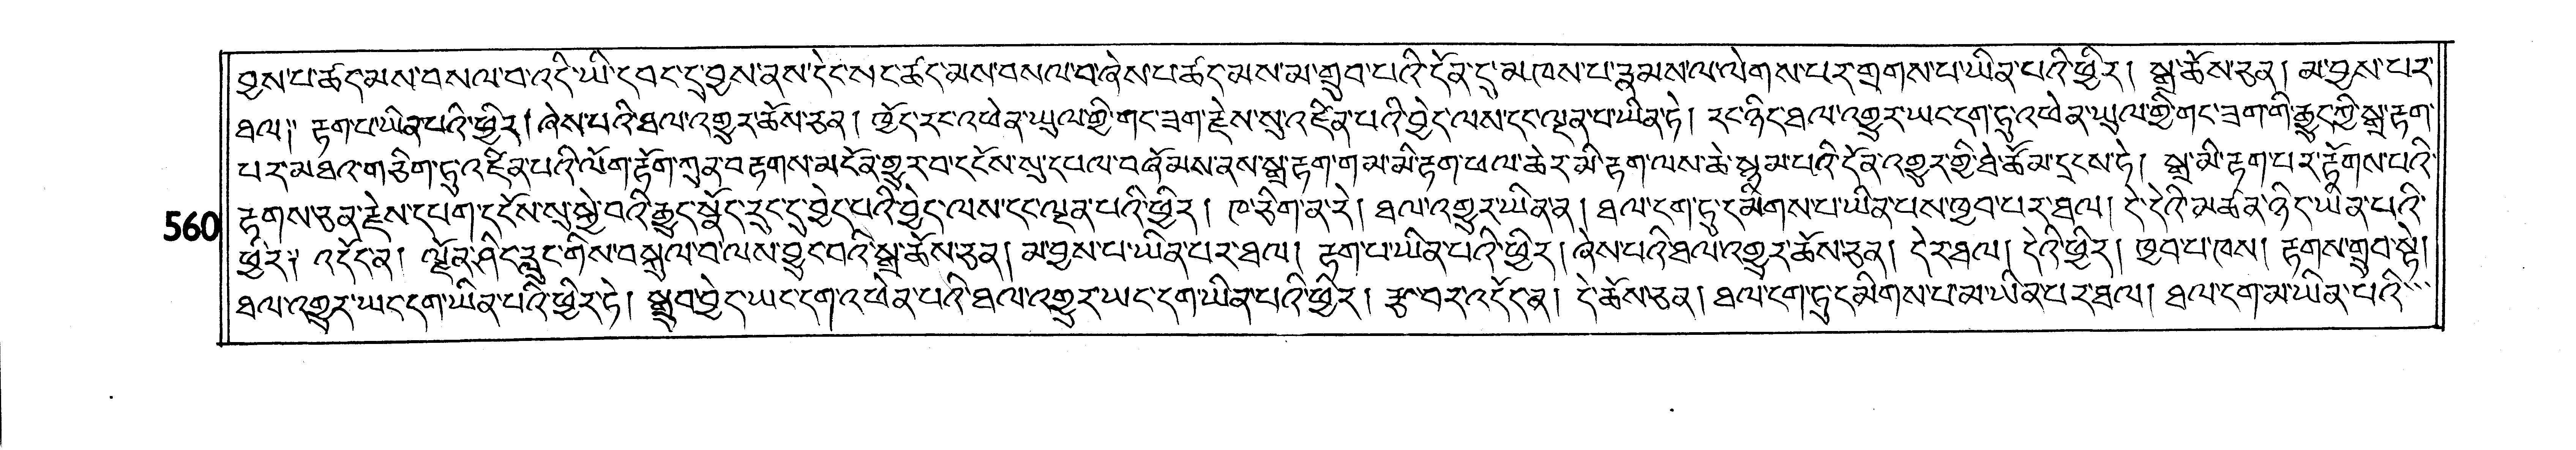བྱས་པ་ཚད་མས་བསལ་བ་འདི་ཡི་དབང་དུ་བྱས་ནས་དེང་སང་ཚད་མས་བསལ་བ་ཞེས་པ་ཚད་མས་མ་གྲུབ་པའི་དོན་དུ་མཁས་པ་རྣམས་ལ་ལེགས་པར་གྲགས་པ་ཡིན་པའི་ཕྱིར། སྒྲ་ཆོས་ཅན། མ་བྱས་པར་
ཐལ༑ རྟག་པ་ཡིན་པའི་ཕྱིར། ཞེས་པའི་ཐལ་འགྱུར་ཆོས་ཅན། ཁྱོད་རང་འཕེན་ཡུལ་གྱི་གང་ཟག་རྗེས་སུ་འཛིན་པའི་བྱེད་ལས་དང་ལྡན་པ་ཡིན་ཏེ། རང་ཉིད་ཐལ་འགྱུར་ཡང་དག་ཏུ་འཕེན་ཡུལ་གྱི་གང་ཟག་གི་རྒྱུད་ཀྱི་སྒྲ་རྟག་
པར་མཐའ་གཅིག་ཏུ་འཛིན་པའི་ལོག་རྟོག་ཀུན་བརྟགས་མངོན་གྱུར་བ་དངོས་སུ་དཔལ་བཞོམས་ནས་སྒྲ་རྟག་གམ་མི་རྟག་ཕལ་ཆེར་མི་རྟག་ལས་ཆེ་སྙམ་པའི་དོན་འགྱུར་གྱི་ཐེ་ཚོམ་དྲངས་ཏེ། སྒྲ་མི་རྟག་པར་རྟོགས་པའི་
རྟགས་ཅན་རྗེས་དཔག་དངོས་སུ་སྐྱེ་བའི་རྒྱུད་སྣོད་རུང་དུ་བྱེད་པའི་བྱེད་ལས་དང་ལྡན་པའི་ཕྱིར། ཁ་ཅིག་ན་རེ། ཐལ་འགྱུར་ཡིན་ན། ཐལ་ངག་ཏུ་དམིགས་པ་ཡིན་པས་ཁྱབ་པར་ཐལ། དེ་དེའི་མཚན་ཉིད་ཡིན་པའི་
ཕྱིར༑ འདོད་ན། ལྗོན་ཤིང་རླུང་གིས་བསྐུལ་བ་ལས་བྱུང་བའི་སྒྲ་ཆོས་ཅན། མ་བྱས་པ་ཡིན་པར་ཐལ། རྟག་པ་ཡིན་པའི་ཕྱིར། ཞེས་པའི་ཐལ་འགྱུར་ཆོས་ཅན། དེར་ཐལ། དེའི་ཕྱིར། ཁྱབ་པ་ཁས། རྟགས་གྲུབ་སྟེ།
ཐལ་འགྱུར་ཡང་དག་ཡིན་པའི་ཕྱིར་ཏེ། སྒྲུབ་བྱེད་ཡང་དག་འཕེན་པའི་ཐལ་འགྱུར་ཡང་དག་ཡིན་པའི་ཕྱིར། རྩ་བར་འདོད་ན། དེ་ཆོས་ཅན། ཐལ་ངག་ཏུ་དམིགས་པ་མ་ཡིན་པར་ཐལ། ཐལ་ངག་མ་ཡིན་པའི་